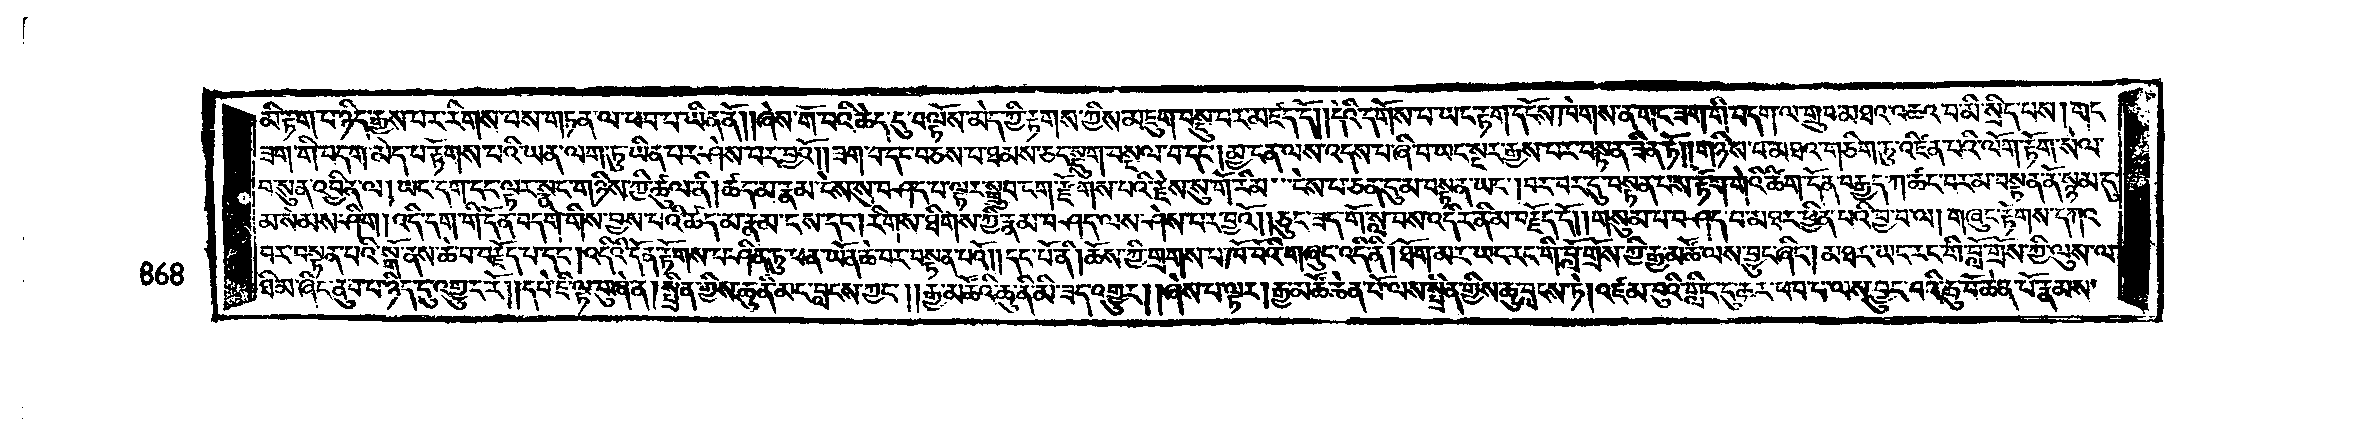མི་རྟག་པ་ཉིད་རྒྱས་པར་རིགས་པས་གཏན་ལ་ཕབ་པ་ཡིན་ནོ། །ཞེས་གོ་བའི་ཆེད་དུ་བལྟོས་མེད་ཀྱི་རྟགས་ཀྱིས་མཇུག་བསྡུ་བར་མཛད་དོ། །དེའི་དགོས་པ་ཡང་རྟག་དངོས་ཁེགས་ན་གང་ཟག་གི་བདག་ལ་གྲུབ་མཐའ་འཆའ་བ་མི་སྲིད་པས། གང་
ཟག་གི་བདག་མེད་པ་རྟོགས་པའི་ཡན་ལག་ཏུ་ཡིན་པར་ཤེས་པར་བྱའོ། །ཟག་པ་དང་བཅས་པ་ཐམས་ཅད་སྡུག་བསྔལ་བ་དང་། མྱ་ངན་ལས་འདས་པ་ཞི་བ་ཡང་སྔར་རྒྱས་པར་བསྟན་ཟིན་ཏོ། །གཉིས་པ་མཐའ་གཅིག་ཏུ་འཛིན་པའི་ལོག་རྟོག་སེལ་
བ་སུན་འབྱིན་ལ། ཡང་དག་དང་ལྟར་སྣང་གཉིས་ཀྱི་ཚུལ་ནི། ཚད་མ་རྣམ་ངེས་སུ་བཤད་པ་ལྟར་སྒྲུབ་ངག་རྫོགས་པའི་རྗེས་སུ་གོ་རིམ་ངེས་པ་ཅན་དུ་མ་བསྟན་ཡང་། བར་བར་དུ་བསྟན་པས་རྟོག་གེའི་ཚིག་དོན་བརྒྱད་ཀ་ཚང་བར་མ་བསྟན་ནོ་སྙམ་དུ་
མ་སེམས་ཤིག། འདི་དག་གི་དོན་བདག་གིས་བྱས་པའི་ཆད་མ་རྣམ་ངས་དང་། རིགས་ཐིགས་ཀྱི་རྣམ་བཤད་ལས་ཤེས་པར་བྱའོ། །ཅུང་ཟད་གོ་སླ་བས་འདིར་ནི་མ་བརྗོད་དོ། །གསུམ་པ་བཤད་པ་མཐར་ཕྱིན་པའི་བྱ་བ་ལ། གཞུང་རྟོགས་དཀའ་
བར་བསྟན་པའི་སྒོ་ནས་ཆེ་བ་བརྗོད་པ་དང་། འདིའི་དོན་རྟོགས་པ་ཤིན་ཏུ་ཕན་ཡོན་ཆེ་བར་བསྟན་པའོ། །དང་པོ་ནི། ཆོས་ཀྱི་གྲགས་པ་ཁོ་བོའི་གཞུང་འདི་ནི། ཐོག་མར་ཡང་རང་གི་བློ་གྲོས་ཀྱི་རྒྱ་མཚོ་ལས་བྱུང་ཞིང་། མཐར་ཡང་རང་གི་བློ་གྲོས་ཀྱི་ལུས་ལ་
ཐིམ་ཞིང་ནུབ་པ་ཉིད་དུ་འགྱུར་རོ། །དཔེ་ཇི་ལྟ་བུ་ཞེ་ན། སྤྲིན་གྱིས་ཆུ་ནི་མང་བླངས་ཀྱང་། །རྒྱ་མཚོའི་ཆུ་ནི་མི་ཟད་འགྱུར། །ཞེས་པ་ལྟར། རྒྱ་མཚོ་ཆེན་པོ་ལས་སྤྲིན་གྱིས་ཆུ་བླངས་ཏེ། འཛམ་བུའི་གླིང་དུ་ཆར་ཕབ་པ་ལས་བྱུང་བའི་ཆུ་པོ་ཆེན་པོ་རྣམས་